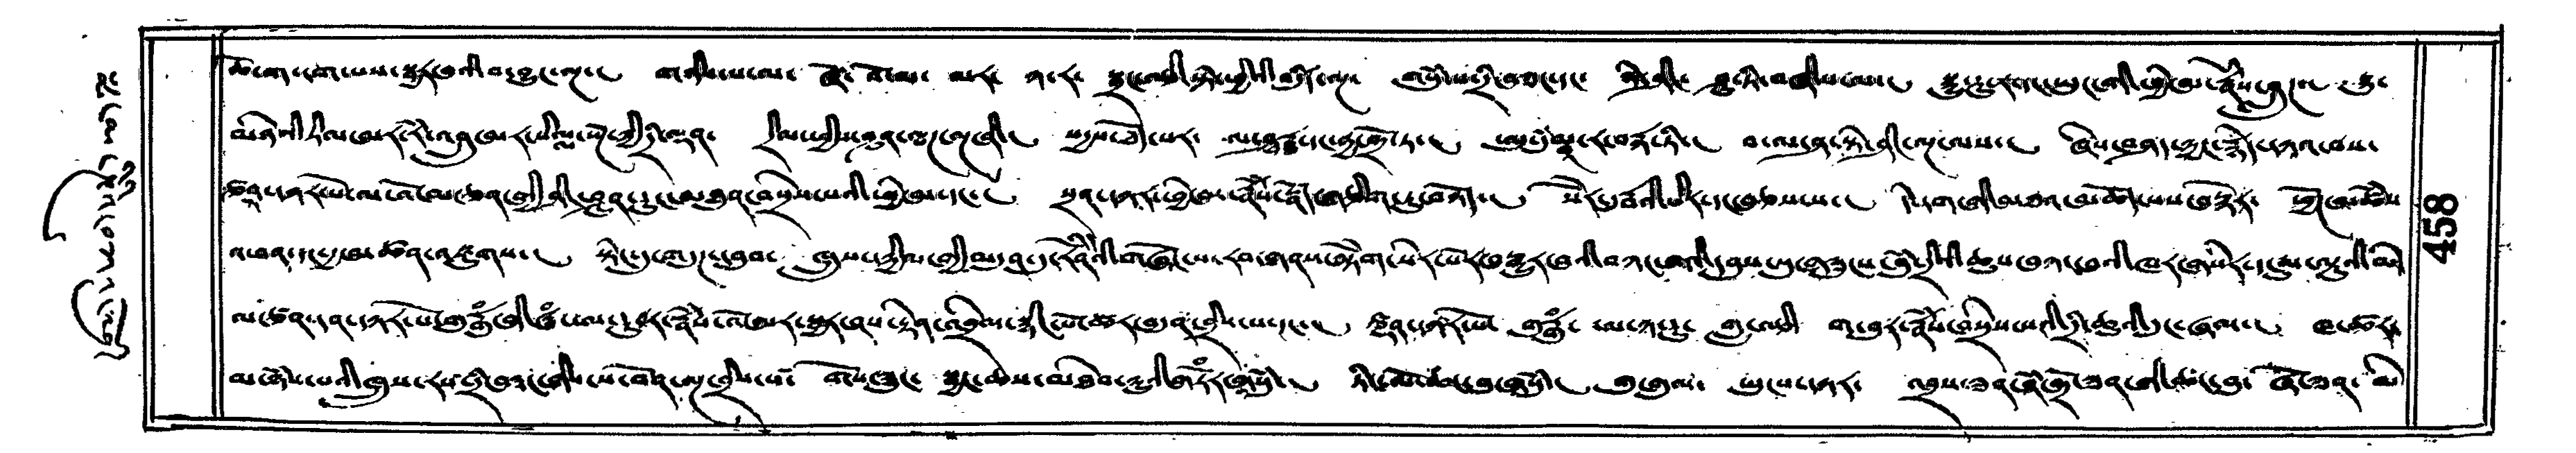ཆོ་ག་དག་པས་སྦྱར་བའི་བ་བྱུང་ལྔ། གཉིས་པ་ལ། ཞོ། འོ་མ། མར། ཀ་ར་སྦྲང་རྩི་སྟེ་ཕྱིའི་བདུད་རྩི་ལྔ། གསུམ་པ་དྲི་བཟང་དང་། ཉེ་ཤིང་། ཤུ་ཏེ་བཞི་པ་ལ། སྐྱུ་རུ་ར་དང་ཡུང་གི་ཕྱེ་མ་རྣམས་བླུགས། སྐུ་
མཉེའི་ཏིལ་མར་རམ་འབྲུ་མར་སིལླ་སོགས་ཀྱི་དྲི་ལྡན། དྲིལ་ཕྱིས་ཤུན་ལྤགས་ལྔ་ནི། སངས་རྒྱས་ཐོད་པར། ཨ་ཤྭརྛ་དང་ནྱ་གྲོ་ཏ། །ཨུ་དུམྦཱ་ར་བརྐ་ཏི། །བཱ་ལ་ཤ་སྟེ་ཤིང་ལྔ་ལས། ཞེས་བཤད་ཀྱང་རྙེད་དཀའ་བས་
ཙནྡན་དཀར་པོ་ལ་འོ་མ་ཅན་གྱི་ཤིང་ཤུན་རུང་མཐུན་བསྲེས་པའི་ཕྱེ་མ་དང་། སྲན་དཀར་ཕྱེ་མ་རྣམས་སྣོད་གཅིག་ཏུ་བཀོད། སོ་སོར་དུརྦའི་པིར་དང་བཅས་པ། དེ་དག་གི་མཐའ་མཆོད་པས་བསྐོར། ཕྱོགས་མཚམས་
འཕན་དང་རྒྱལ་མཚན་འཛུགས། སྟེང་དུ་གདུགས་དབུབ། ཁྲུས་དཀྱིལ་གྱི་མདུན་དུ་རིན་པོ་ཆེའི་གཞོང་པ་རབ་གནས་མེ་ཏོག་སེར་པོར་བསྒྱུར་བས་བཀང་བའི་དབུས་སུ་གཟུངས་བུམ་དྲིའི་ཆུས་བཀང་བའི་ཁར་གསེར་དངུལ་ལྟ་བའི་མེ་
ལོང་ལ་ཙནྡན་དཀར་པོ་གུར་ཀུམ་གི་ཝཾ་ཨ་རུ་ར་རྣམས་འོ་མར་སྦྱར་ནས་རྟེན་འབྲེལ་སྙིང་པོ་ཚར་བདུན་བྲིས་པ་དང་། ཙནྡན་དཀར་པོ། གར་ཀུམ། ཨ་ཀ་རུ། གླ་རྩི། ག་བུར་རྣམས་བསྲེས་པའི་དྲི་ཆུའི་དུང་ཞལ། ཁ་ཚར་
མ་ཉམས་པའི་ཁྲུས་རས་དྲི་བཟང་གིས་ས་བོན་ལྔ་བྲིས་པ། གོས་ཟུང་། སྦྱང་ཆས་མཐེབ་ཀྱུའི་གཏོར་མ་གསུམ། ཏིང་ལོ་ཆང་བུ་གསུམ། གུ་གུལ། ཡུངས་དཀར། འབྲས་ཟན་ནམ་གྲོ་ཟན་གྱི་ཆང་བུ། ཞོ་ཟན། མེ་